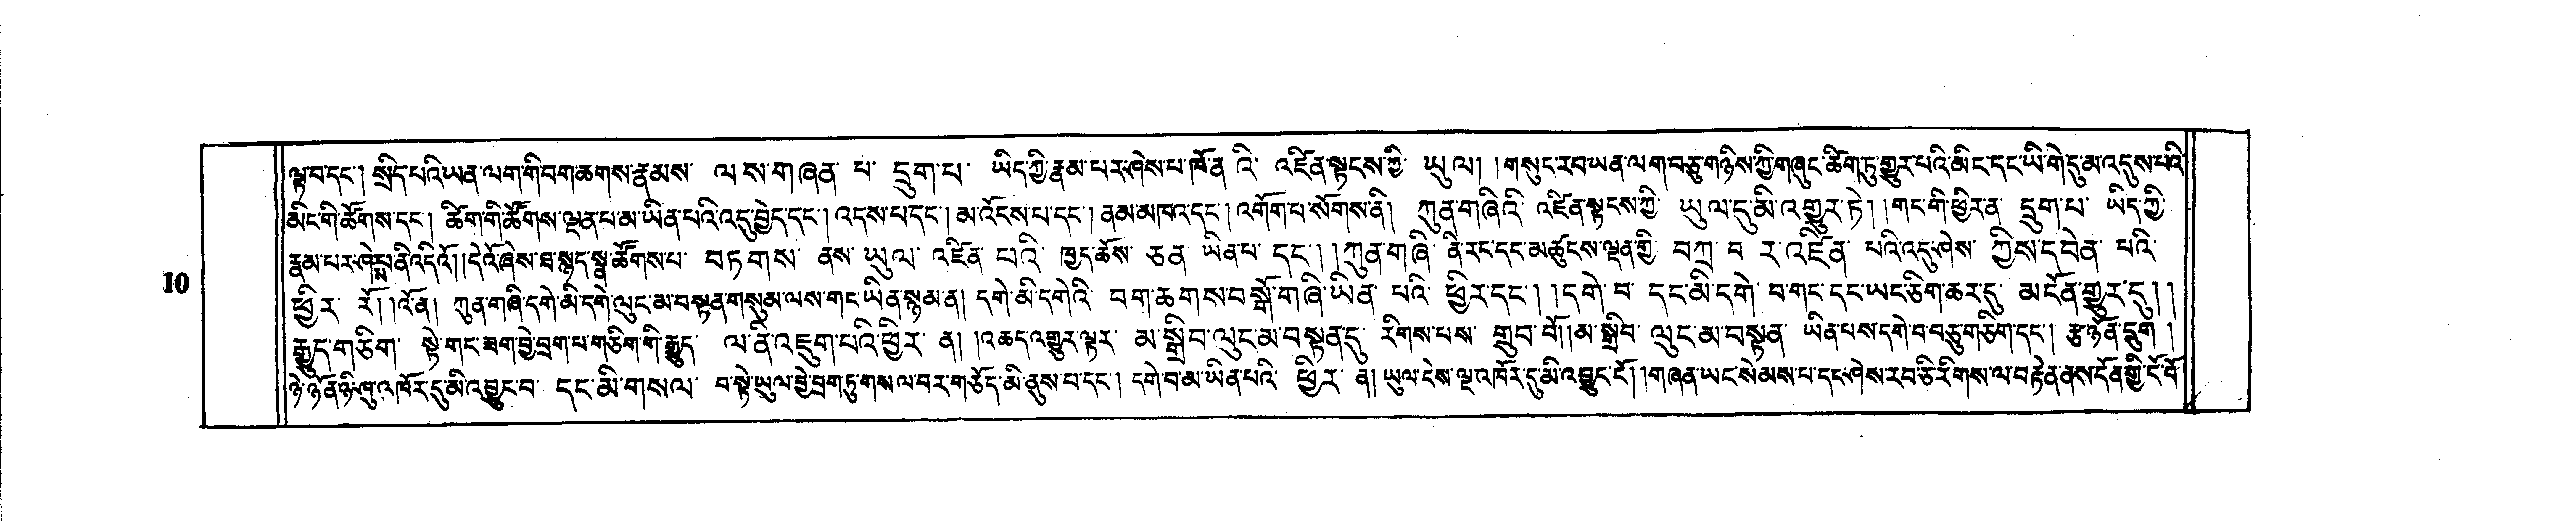ལྟ་བ་དང་། སྲིད་པའི་ཡན་ལག་གི་བག་ཆགས་རྣམས་ལས་གཞན་པ་དྲུག་པ་ཡིད་ཀྱི་རྣམ་པར་ཤེས་པ་ཁོ་ནའི་འཛིན་སྟངས་ཀྱི་ཡུལ། །གསུང་རབ་ཡན་ལག་བཅུ་གཉིས་ཀྱི་གཞུང་ཚིག་ཏུ་གྱུར་པའི་མིང་དང་ཡི་གེ་དུ་མ་འདུས་པའི་
མིང་གི་ཚོགས་དང་། ཚིག་གི་ཚོགས་ལྡན་པ་མ་ཡིན་པའི་འདུ་བྱེད་དང་། འདས་པ་དང་། མ་འོངས་པ་དང་། ནམ་མཁའ་དང་། འགོག་པ་སོགས་ནི། ཀུན་གཞིའི་འཛིན་སྟངས་ཀྱི་ཡུལ་དུ་མི་འགྱུར་ཏེ། །གང་གི་ཕྱིར་ན་དྲུག་པ་ཡིད་ཀྱི་
རྣམ་པར་ཤེས་པ་ནི་འདིའོ། །དེའོ་ཞེས་ཐ་སྙད་སྣ་ཚོགས་པ་བཏགས་ནས་ཡུལ་འཛིན་པའི་ཁྱད་ཆོས་ཅན་ཡིན་པ་དང་། །ཀུན་གཞི་ནི་རང་དང་མཚུངས་ལྡན་གྱི་བཀྲ་བར་འཛིན་པའི་འདུ་ཤེས་ཀྱིས་དབེན་པའི་
ཕྱིར་རོ། །འོ་ན། ཀུན་གཞི་དགེ་མི་དགེ་ལུང་མ་བསྟན་གསུམ་ལས་གང་ཡིན་སྙམ་ན། དགེ་མི་དགེའི་བག་ཆགས་བསྒོ་གཞི་ཡིན་པའི་ཕྱིར་དང་། །དགེ་བ་དང་མི་དགེ་བ་གང་དང་ཡང་ཅིག་ཆར་དུ་མངོན་གྱུར་དུ། །
རྒྱུད་གཅིག་སྟེ་གང་ཟག་བྱེ་བྲག་པ་གཅིག་གི་རྒྱུད་ལ་ནི་འཇུག་པའི་ཕྱིར་ན། །འཆད་འགྱུར་ལྟར་མ་སྒྲིབ་ལུང་མ་བསྟན་དུ་རིགས་པས་གྲུབ་བོ། །མ་སྒྲིབ་ལུང་མ་བསྟན་ཡིན་པས་དགེ་བ་བཅུ་གཅིག་དང་། རྩ་ཉོན་དྲུག །
ཉེ་ཉོན་ཉི་ཤུ་འཁོར་དུ་མི་འབྱུང་བ་དང་མི་གསལ་བ་སྟེ་ཡུལ་བྱེ་བྲག་ཏུ་གསལ་བར་གཅོད་མི་ནུས་པ་དང་། དགེ་བ་མ་ཡིན་པའི་ཕྱིར་ན། ཡུལ་དེས་ལྔ་འཁོར་དུ་མི་འབྱུང་ངོ། །གཞན་ཡང་སེམས་པ་དང་ཤེས་རབ་ཅི་རིགས་ལ་བརྟེན་ནས་དོན་གྱི་ངོ་བོ་